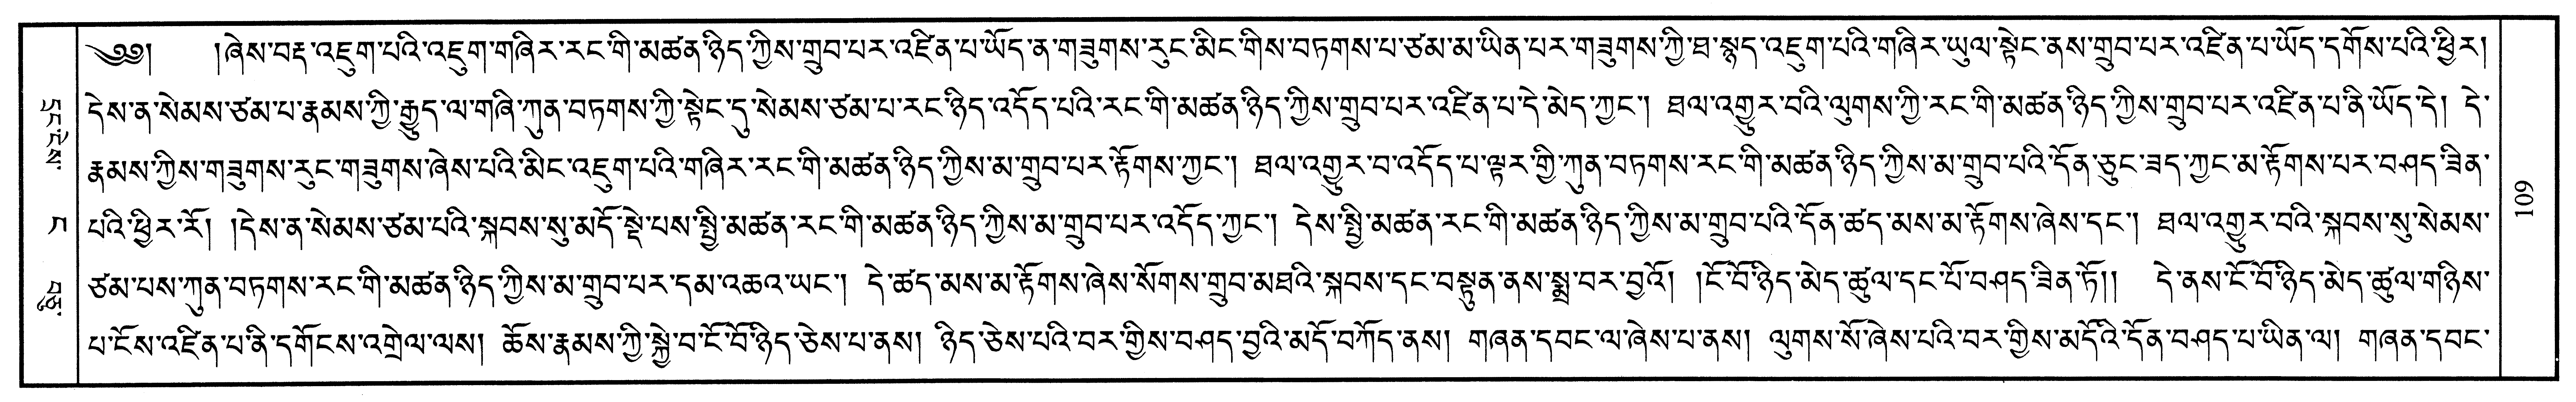༄༅། །ཞེས་བརྡ་འཇུག་པའི་འཇུག་གཞིར་རང་གི་མཚན་ཉིད་ཀྱིས་གྲུབ་པར་འཛིན་པ་ཡོད་ན་གཟུགས་རུང་མིང་གིས་བཏགས་པ་ཙམ་མ་ཡིན་པར་གཟུགས་ཀྱི་ཐ་སྙད་འཇུག་པའི་གཞིར་ཡུལ་སྟེང་ནས་གྲུབ་པར་འཛིན་པ་ཡོད་དགོས་པའི་ཕྱིར།
དེས་ན་སེམས་ཙམ་པ་རྣམས་ཀྱི་རྒྱུད་ལ་གཞི་ཀུན་བཏགས་ཀྱི་སྟེང་དུ་སེམས་ཙམ་པ་རང་ཉིད་འདོད་པའི་རང་གི་མཚན་ཉིད་ཀྱིས་གྲུབ་པར་འཛིན་པ་དེ་མེད་ཀྱང་། ཐལ་འགྱུར་བའི་ལུགས་ཀྱི་རང་གི་མཚན་ཉིད་ཀྱིས་གྲུབ་པར་འཛིན་པ་ནི་ཡོད་དེ། དེ་
རྣམས་ཀྱིས་གཟུགས་རུང་གཟུགས་ཞེས་པའི་མིང་འཇུག་པའི་གཞིར་རང་གི་མཚན་ཉིད་ཀྱིས་མ་གྲུབ་པར་རྟོགས་ཀྱང་། ཐལ་འགྱུར་བ་འདོད་པ་ལྟར་གྱི་ཀུན་བཏགས་རང་གི་མཚན་ཉིད་ཀྱིས་མ་གྲུབ་པའི་དོན་ཅུང་ཟད་ཀྱང་མ་རྟོགས་པར་ཤད་ཟིན་
པའི་ཕྱིར་རོ། །དེས་ན་སེམས་ཙམ་པའི་སྐབས་སུ་མདོ་སྡེ་པས་སྤྱི་མཚན་རང་གི་མཚན་ཉིད་ཀྱིས་མ་གྲུབ་པར་འདོད་ཀྱང་། དེས་སྤྱི་མཚན་རང་གི་མཚན་ཉིད་ཀྱིས་མ་གྲུབ་པའི་དོན་ཚད་མས་མ་རྟོགས་ཞེས་དང་། ཐལ་འགྱུར་བའི་སྐབས་སུ་སེམས་
ཙམ་པས་ཀུན་བཏགས་རང་གི་མཚན་ཉིད་ཀྱིས་མ་གྲུབ་པར་དམ་འཆའ་ཡང་། དེ་ཚད་མས་མ་རྟོགས་ཞེས་སོགས་གྲུབ་མཐའི་སྐབས་དང་བསྟུན་ནས་སྨྲ་བར་བྱའོ། །ངོ་བོ་ཉིད་མེད་ཚུལ་དང་པོ་བཤད་ཟིན་ཏོ།། དེ་ནས་ངོ་བོ་ཉིད་མེད་ཚུལ་གཉིས་
པ་ངོས་འཛིན་པ་ནི་དགོངས་འགྲེལ་ལས། ཆོས་རྣམས་ཀྱི་སྐྱེ་བ་ངོ་བོ་ཉིད་ཅེས་པ་ནས། ཉིད་ཅེས་པའི་བར་གྱིས་བཤད་བྱའི་མདོ་བཀོད་ནས། གཞན་དབང་ལ་ཞེས་པ་ནས། ལུགས་སོ་ཞེས་པའི་བར་གྱིས་མདོའི་དོན་བཤད་པ་ཡིན་ལ། གཞན་དབང་